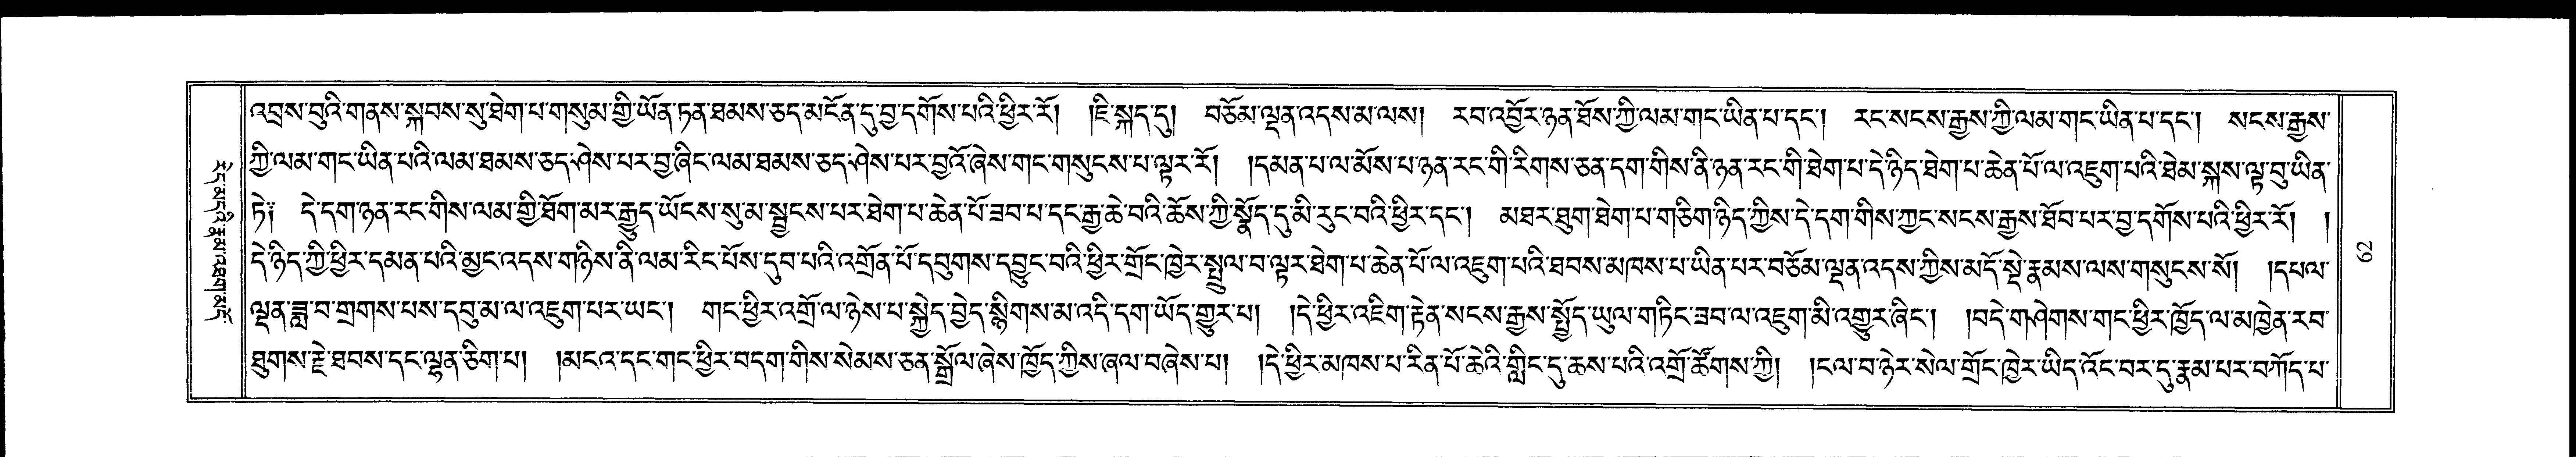འབྲས་བུའི་གནས་སྐབས་སུ་ཐེག་པ་གསུམ་གྱི་ཡོན་ཏན་ཐམས་ཅད་མངོན་དུ་བྱ་དགོས་པའི་ཕྱིར་རོ། །ཇི་སྐད་དུ། བཅོམ་ལྡན་འདས་མ་ལས། རབ་འབྱོར་ཉན་ཐོས་ཀྱི་ལམ་གང་ཡིན་པ་དང་། རང་སངས་རྒྱས་ཀྱི་ལམ་གང་ཡིན་པ་དང་། སངས་རྒྱས་
ཀྱི་ལམ་གང་ཡིན་པའི་ལམ་ཐམས་ཅད་ཤེས་པར་བྱ་ཞིང་ལམ་ཐམས་ཅད་ཤེས་པར་བྱའོ་ཞེས་གང་གསུངས་པ་ལྟར་རོ། །དམན་པ་ལ་མོས་པ་ཉན་རང་གི་རིགས་ཅན་དག་གིས་ནི་ཉན་རང་གི་ཐེག་པ་དེ་ཉིད་ཐེག་པ་ཆེན་པོ་ལ་འཇུག་པའི་ཐེམ་སྐས་ལྟ་བུ་ཡིན་
ཏེ། དེ་དག་ཉན་རང་གིས་ལམ་གྱི་ཐོག་མར་རྒྱུད་ཡོངས་སུ་མ་སྦྱངས་པར་ཐེག་པ་ཆེན་པོ་ཟབ་པ་དང་རྒྱ་ཆེ་བའི་ཆོས་ཀྱི་སྣོད་དུ་མི་རུང་བའི་ཕྱིར་དང་། མཐར་ཐུག་ཐེག་པ་གཅིག་ཉིད་ཀྱིས་དེ་དག་གིས་ཀྱང་སངས་རྒྱས་ཐོབ་པར་བྱ་དགོས་པའི་ཕྱིར་རོ། །
དེ་ཉིད་ཀྱི་ཕྱིར་དམན་པའི་མྱང་འདས་གཉིས་ནི་ལམ་རིང་པོས་དུབ་པའི་འགྲོན་པོ་དབུགས་དབྱུང་བའི་ཕྱིར་གྲོང་ཁྱེར་སྤྲུལ་བ་ལྟར་ཐེག་པ་ཆེན་པོ་ལ་འཇུག་པའི་ཐབས་མཁས་པ་ཡིན་པར་བཅོམ་ལྡན་འདས་ཀྱིས་མདོ་སྡེ་རྣམས་ལས་གསུངས་སོ། །དཔལ་
ལྡན་ཟླ་བ་གྲགས་པས་དབུ་མ་ལ་འཇུག་པར་ཡང་། གང་ཕྱིར་འགྲོ་ལ་ཉེས་པ་སྐྱེད་བྱེད་སྙིགས་མ་འདི་དག་ཡོད་གྱུར་པ། །དེ་ཕྱིར་འཇིག་རྟེན་སངས་རྒྱས་སྤྱོད་ཡུལ་གཏིང་ཟབ་ལ་འཇུག་མི་འགྱུར་ཞིང་། །བདེ་གཤེགས་གང་ཕྱིར་ཁྱོད་ལ་མཁྱེན་རབ་
ཐུགས་རྗེ་ཐབས་དང་ལྷན་ཅིག་པ། །མངའ་དང་གང་ཕྱིར་བདག་གིས་སེམས་ཅན་སྒྲོལ་ཞེས་ཁྱོད་ཀྱིས་ཞལ་བཞེས་པ། །དེ་ཕྱིར་མཁས་པ་རིན་པོ་ཆེའི་གླིང་དུ་ཆས་པའི་འགྲོ་ཚོགས་ཀྱི། །ངལ་བ་ཉེར་སེལ་གྲོང་ཁྱེར་ཡིད་འོང་བར་དུ་རྣམ་པར་བཀོད་པ་